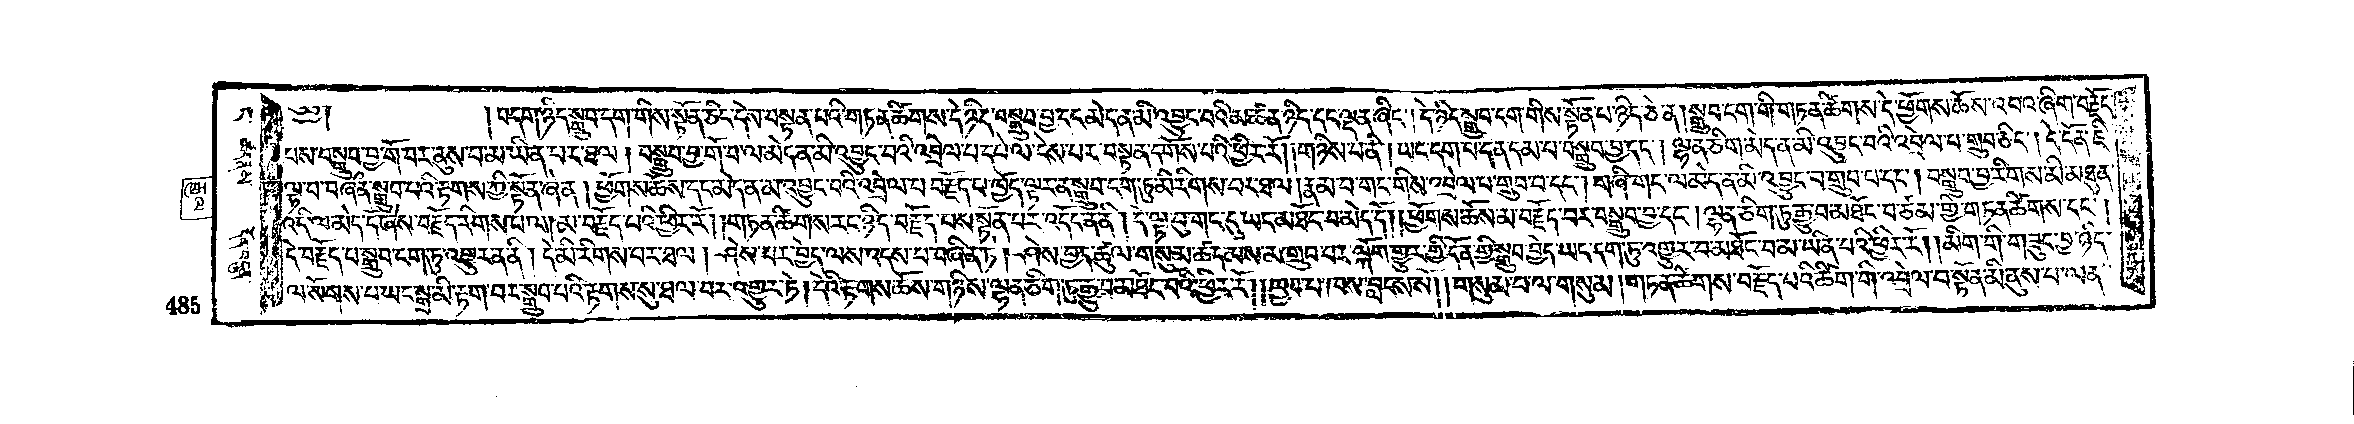༄༅། །བདག་ཉིད་སྒྲུབ་དག་གིས་སྟོན་ཅིང་དེས་བསྟན་པའི་གཏན་ཚིགས་དེ་ཉིད་བསྒྲུབ་ཡ་དང་མེད་ན་མི་འབྱུང་བའི་མཚན་ཉིད་དང་ལྡན་ཞིང་། དེ་ཉིས་སྒྲུབ་ངག་གིས་སྟོན་པ་ཉིད་ཅེ་ན། སྒྲུབ་ངག་གི་བསྟན་ཚིགས་དེ་ཕྱོགས་ཆོས་འབའ་ཞིག་བརྗོད་
པས་བསྒྲུབ་བྱ་གོ་བར་ནུས་པ་མ་ཡིན་པར་ཐལ། བསྒྲུབ་བྱ་གོ་བ་ལ་མེད་ན་མི་འབྱུང་བའི་འབྲེལ་པ་དཔེ་ལ་ངེས་པར་བསྟན་དགོས་པའི་ཕྱིར། གཉིས་པ་ནི། ཡང་དག་པ་དོན་དམ་པ་བསྒྲུབ་བྱ་དང་། ལྷན་ཅིག་མེད་ན་མི་འབྱུང་བའི་འབྲེལ་པ་གྲུབ་ཅིང་། དེ་དོན་ཇི་
ལྟ་བ་བཞིན་སྒྲུབ་པའི་རྟགས་ཀྱི་སྟོན་ཞེ་ན། ཕྱོགས་ཆོས་དང་མེད་ན་མི་འབྱུང་བའི་འབྲེལ་པ་བརྗོད་པ་ཁྱོད་ལྟར་ན་སྒྲུབ་ངག་ཏུ་མི་རིགས་པར་ཐལ། རྣམ་པ་གང་གི་འབྲེལ་པ་གྲུབ་པ་དང་། གཞི་གང་ལ་མེད་ན་མི་འབྱུང་བ་གྲུབ་པ་དང་། བསྒྲུབ་བྱ་རིགས་མི་མཐུན་
འདི་ལ་མེད་དོ་ཞེས་བརྗོད་རིགས་པ་ལ། མ་བརྗོད་པའི་ཕྱིར་རོ། །གཏན་ཚིགས་རང་ཉིད་བརྗོད་པས་སྟོན་པར་འདོད་ན་ནི། དེ་ལྟ་བུ་གང་དུ་ཡང་མཐོང་བ་མེད་དོ། །ཕྱོགས་ཆོས་མ་བརྗོད་པར་བསྒྲུབ་བྱ་དང་། ལྷན་ཅིག་ཏུ་རྒྱུ་བ་མཐོང་བ་ཙམ་གྱི་གཏན་ཚིགས་དང་།
དེ་བརྗོད་པ་སྒྲུབ་ངག་ཏུ་འགྱུར་ན་ནི། དེ་ནི་རིག་སྤར་ཐལ། ཤེས་པར་བྱེད་ལས་འདས་པ་བཞིན་ཏེ། ཤེས་བྱད་ཚུལ་གསུམ་ཏད་མས་མ་གྲུབ་པར་ལྐོག་གྱུར་གྱི་དོན་གྱི་སྒྲུབ་བྱེད་ཡང་དག་ཏུ་འགྱུར་བ་མཐོང་བ་མ་ཡིན་པའི་ཕྱིར། །མིག་གི་གཟུང་བྱ་ཉིད་
ལ་སོགས་པ་ཡང་སྒྲ་མི་རྟག་པར་སྒྲུབ་པའི་རྟགས་སུ་ཐལ་བར་འགྱུར་ཏེ། དེའི་རྟགས་ཆོས་གཉིས་ལྷན་ཅིག་ཏུ་རྒྱུ་བ་མཐོང་བའི་ཕྱིར་རོ། །ཁྱབ་པ་ཁས་བླངས་སོ། །གསུམ་པ་ལ་གསུམ། གཏན་ཚིགས་བརྗོད་པའི་ཚིག་གི་འབྲེལ་པ་སྟོན་མི་ནུས་པ་ལན་